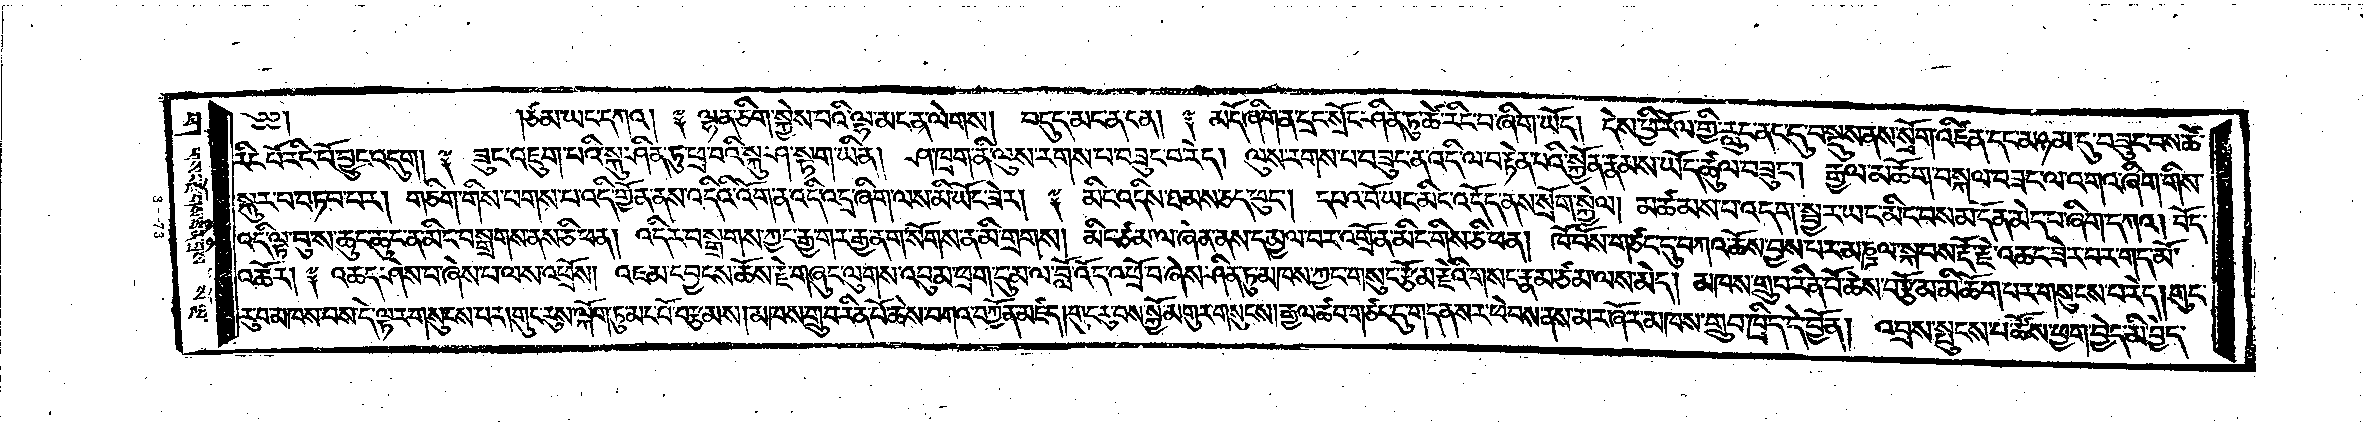༄༅། །ཙམ་ཡང་དཀའ། ༈ ལྷན་ཅིག་སྐྱེས་པའི་ལྷ་མངན་ལེགས། བདུད་མང་ན་ངན། ༈ མདོ་ཞིག་ན་དྲང་སྲོང་ཤིན་ཏུ་ཚེ་རིང་བ་ཞིག་ཡོད། དེས་ཕྱི་རོལ་གྱི་རླུང་ནང་དུ་བསྡུས་ནས་སྲོག་འཛིན་དང་མཉམ་དུ་བཟུང་བས་ཚེ་
རིང་པོ་རིང་པོ་བྱུང་འདུག། ༈ ཟུང་འཇུག་པའི་སྐུ་ཤིན་ཏུ་ཕྲ་བའི་སྐུ་ཤ་སྟག་ཡིན། ཤ་ཁྲག་ནི་ལུས་རགས་པ་བཟུང་བ་རེད། ལུས་རགས་པ་བཟུང་ན་འདི་ལ་བརྟེན་པའི་སྐྱོན་རྣམས་ཡོད་ཚུལ་བཟུང་། རྒྱལ་མཆོག་བསྐལ་བཟང་ལ་འགའ་ཞིག་གིས་
སྐུར་བ་བཏབ་པར། གཅིག་གིས་པགས་པ་འདི་གྱོན་ནས་འདིའི་འོག་ན་འདི་འདྲ་ཞིག་ལས་མི་ཡོང་ཟེར། ༈ མིང་འདིས་ཐམས་ཅད་ཕུང་། དཔའ་བོ་ཡང་མིང་འདོད་ནས་སྲོག་སྐྱེལ། མཚམས་པ་འདག་སྦྱར་ཡང་མིང་བསམ་དོན་མེད་པ་ཞིག་དཀའ། བོད་
འདི་ལྟ་བུ་ས་ཆུང་ཆུང་ན་མིང་བསྒྲགས་ནས་ཅི་ཕན། འདིར་བསྒྲགས་ཀྱང་རྒྱ་གར་རྒྱ་ནག་སོགས་ན་མི་གྲགས། མིང་ཙམ་ལ་ཞེན་ནས་དམྱལ་བར་འགྲོ་ན་མིང་གིས་ཅི་ཕན། ཁོ་བོས་གཙང་དུ་བཀའ་ཆོས་བྱས་པར་མཎྜལ་སྐབས་རྡོ་རྗེ་འཆང་ཟེར་བར་གད་མོ་
འཆོར། ༈ འཆད་ཤེས་པ་ཞེས་པ་ལས་འཕྲོས། འཇམ་དབྱངས་ཆོས་རྗེ་གཞུང་ལུགས་འབུམ་ཕྲག་དུ་མ་ལ་བློ་འོད་འཕྲོ་བ་ཞེས་ཤིན་ཏུ་མཁས་ཀྱང་གསུང་རྩོམ་རྗེའི་གསང་རྣམ་ཙམ་ལས་མེད། མཁས་གྲུབ་རིན་པོ་ཆེས་བརྩོམ་མི་ཆོག་པར་གསུངས་པ་རེད་།གུང་
རུ་བ་མཁས་པས་དེ་ལྟར་གསུངས་པར་།གུང་རུས་ལྐོག་ཏུ་མང་པོ་བརྩམས། མཁས་གྲུབ་རིན་པོ་ཆེས་བགའ་བཀྱོན་མཛད་།གུང་རུ་བས་སྐྱོ་མགུར་གསུངས། རྒྱལ་ཚབ་གཙང་དུ་གདན་སར་ཕེབས་ནས་མར་ཞོར་མཁས་གྲུབ་ཁྲིད་དེ་བྱོན། འབྲས་སྤུངས་པ་ཚོས་ཕྱག་བྱེད་མི་བྱེད་